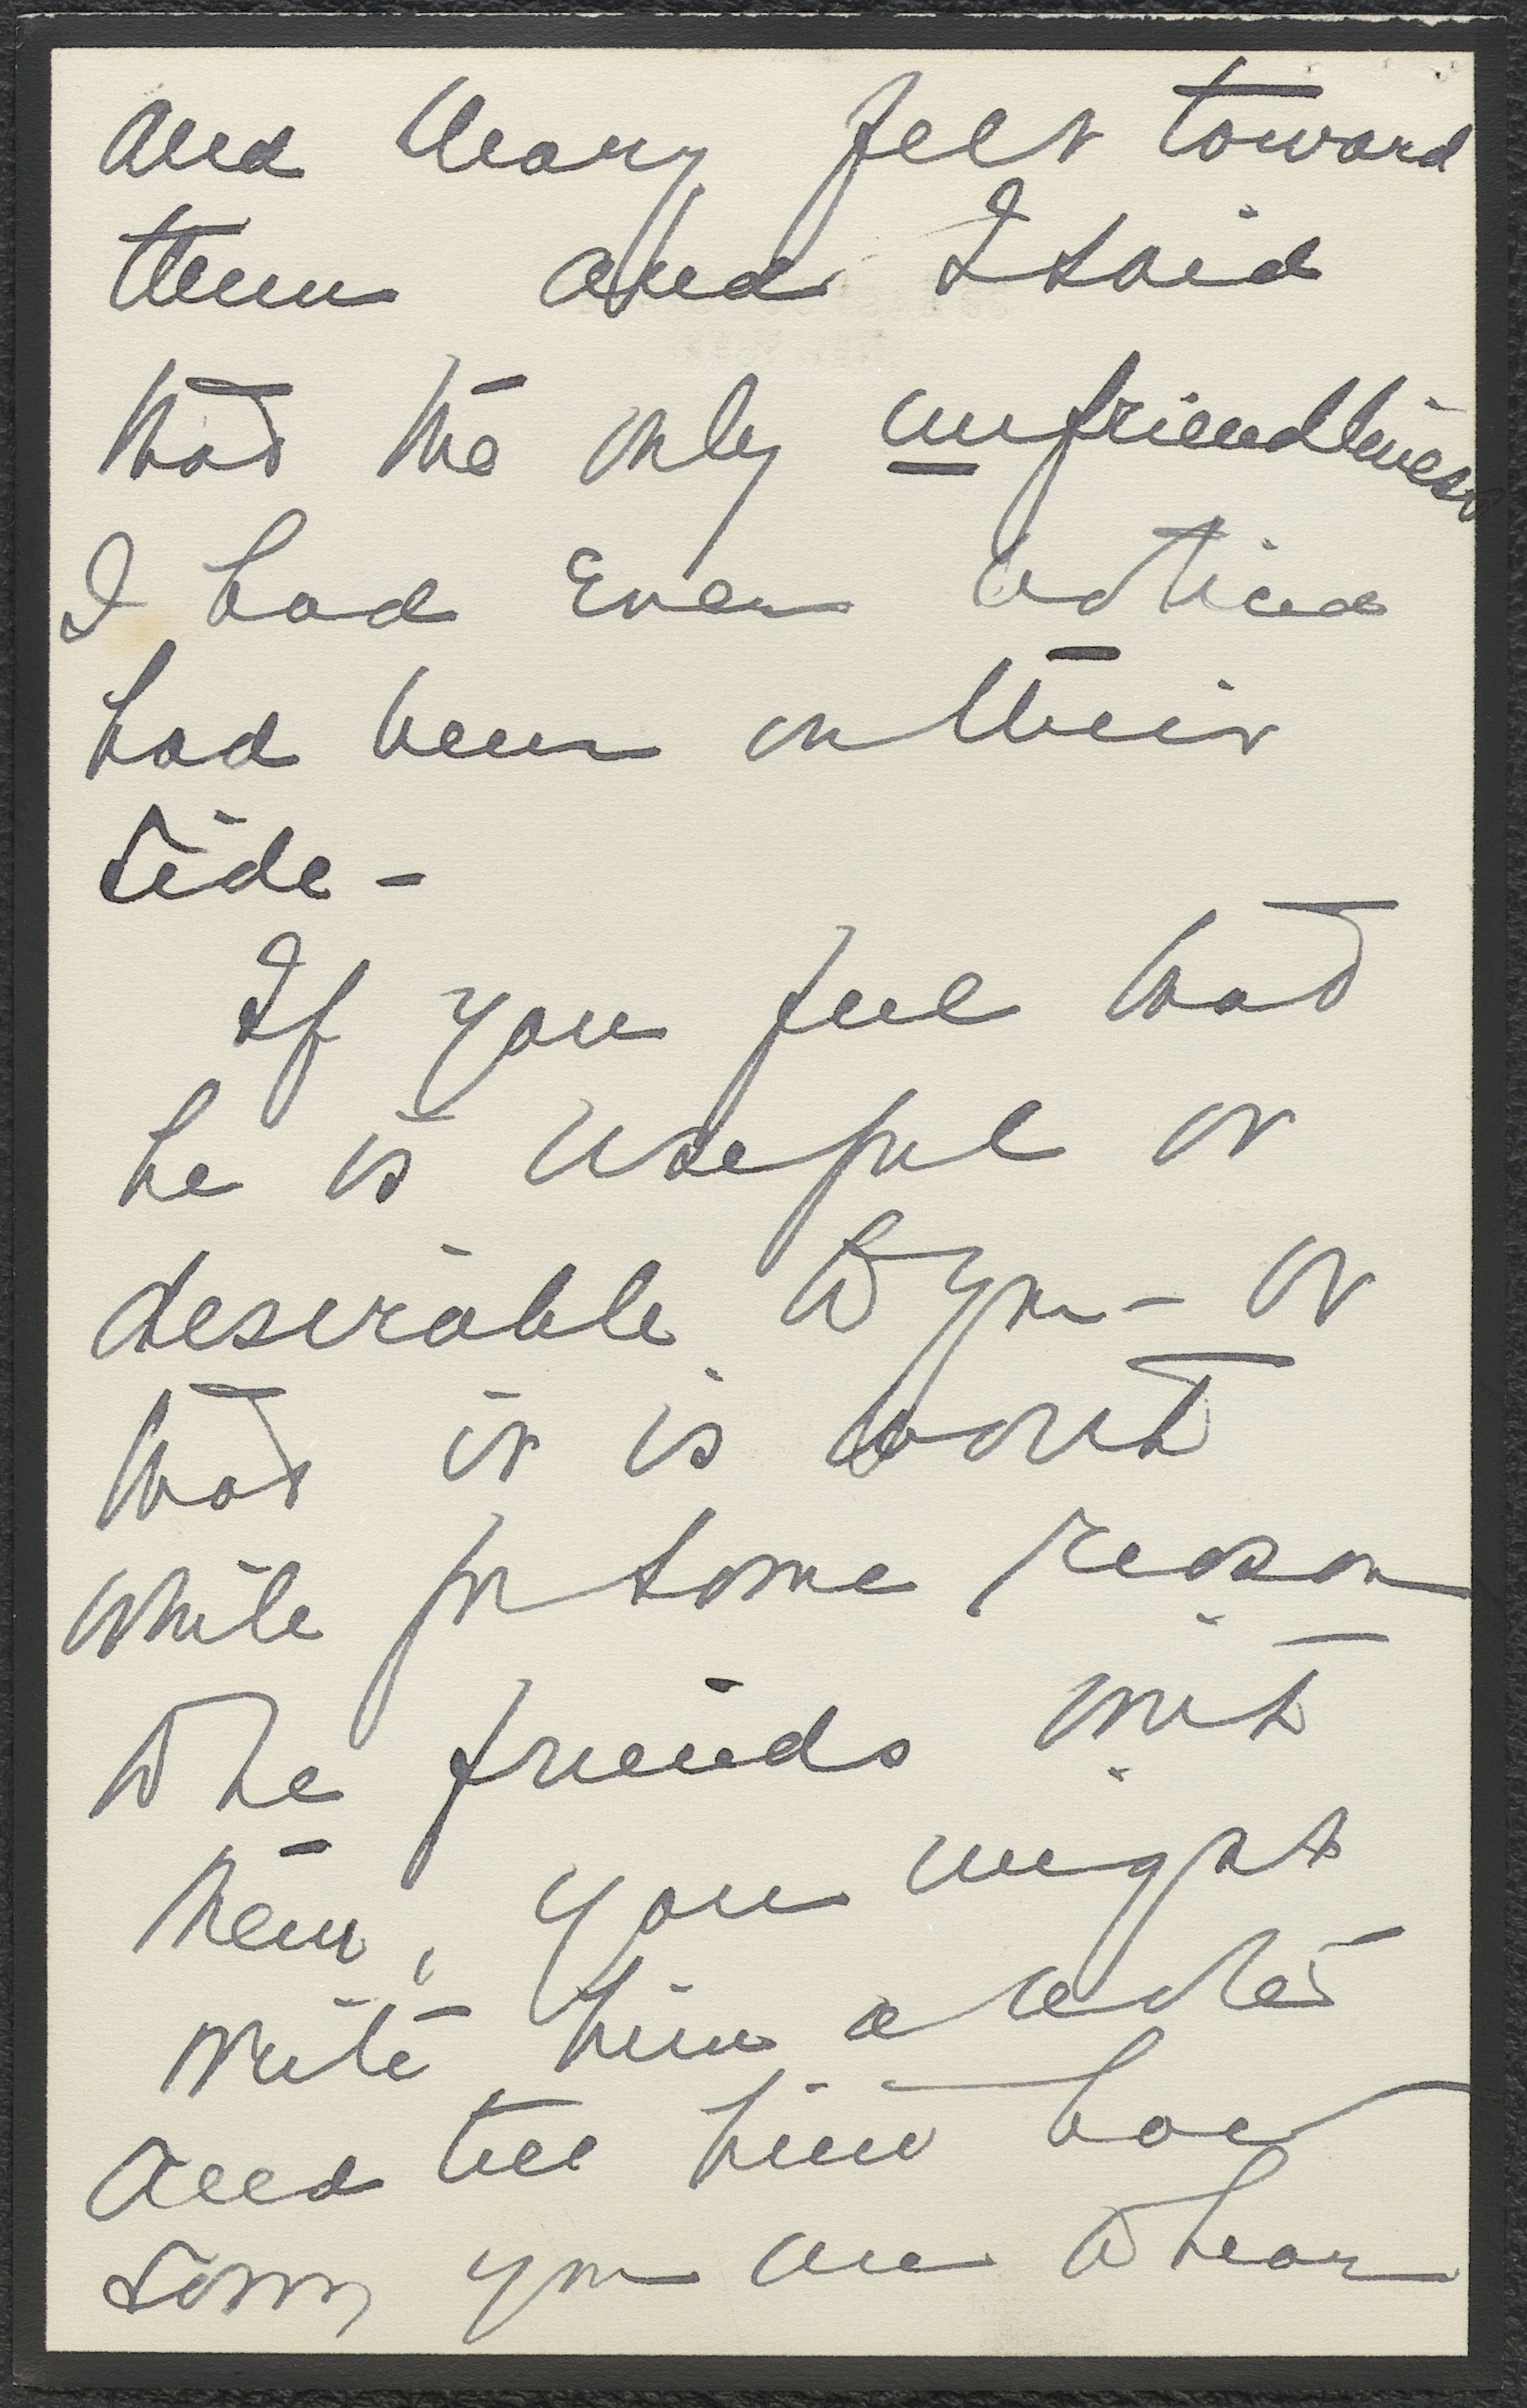and Mary felt toward them and I said that the only unfriendliness I had ever noticed had been on their side –
If you feel that he is useful or desirable to you – or that it is worth while for some reason to be friends with them, you might write him a letter and tell him how sorry you are to hear